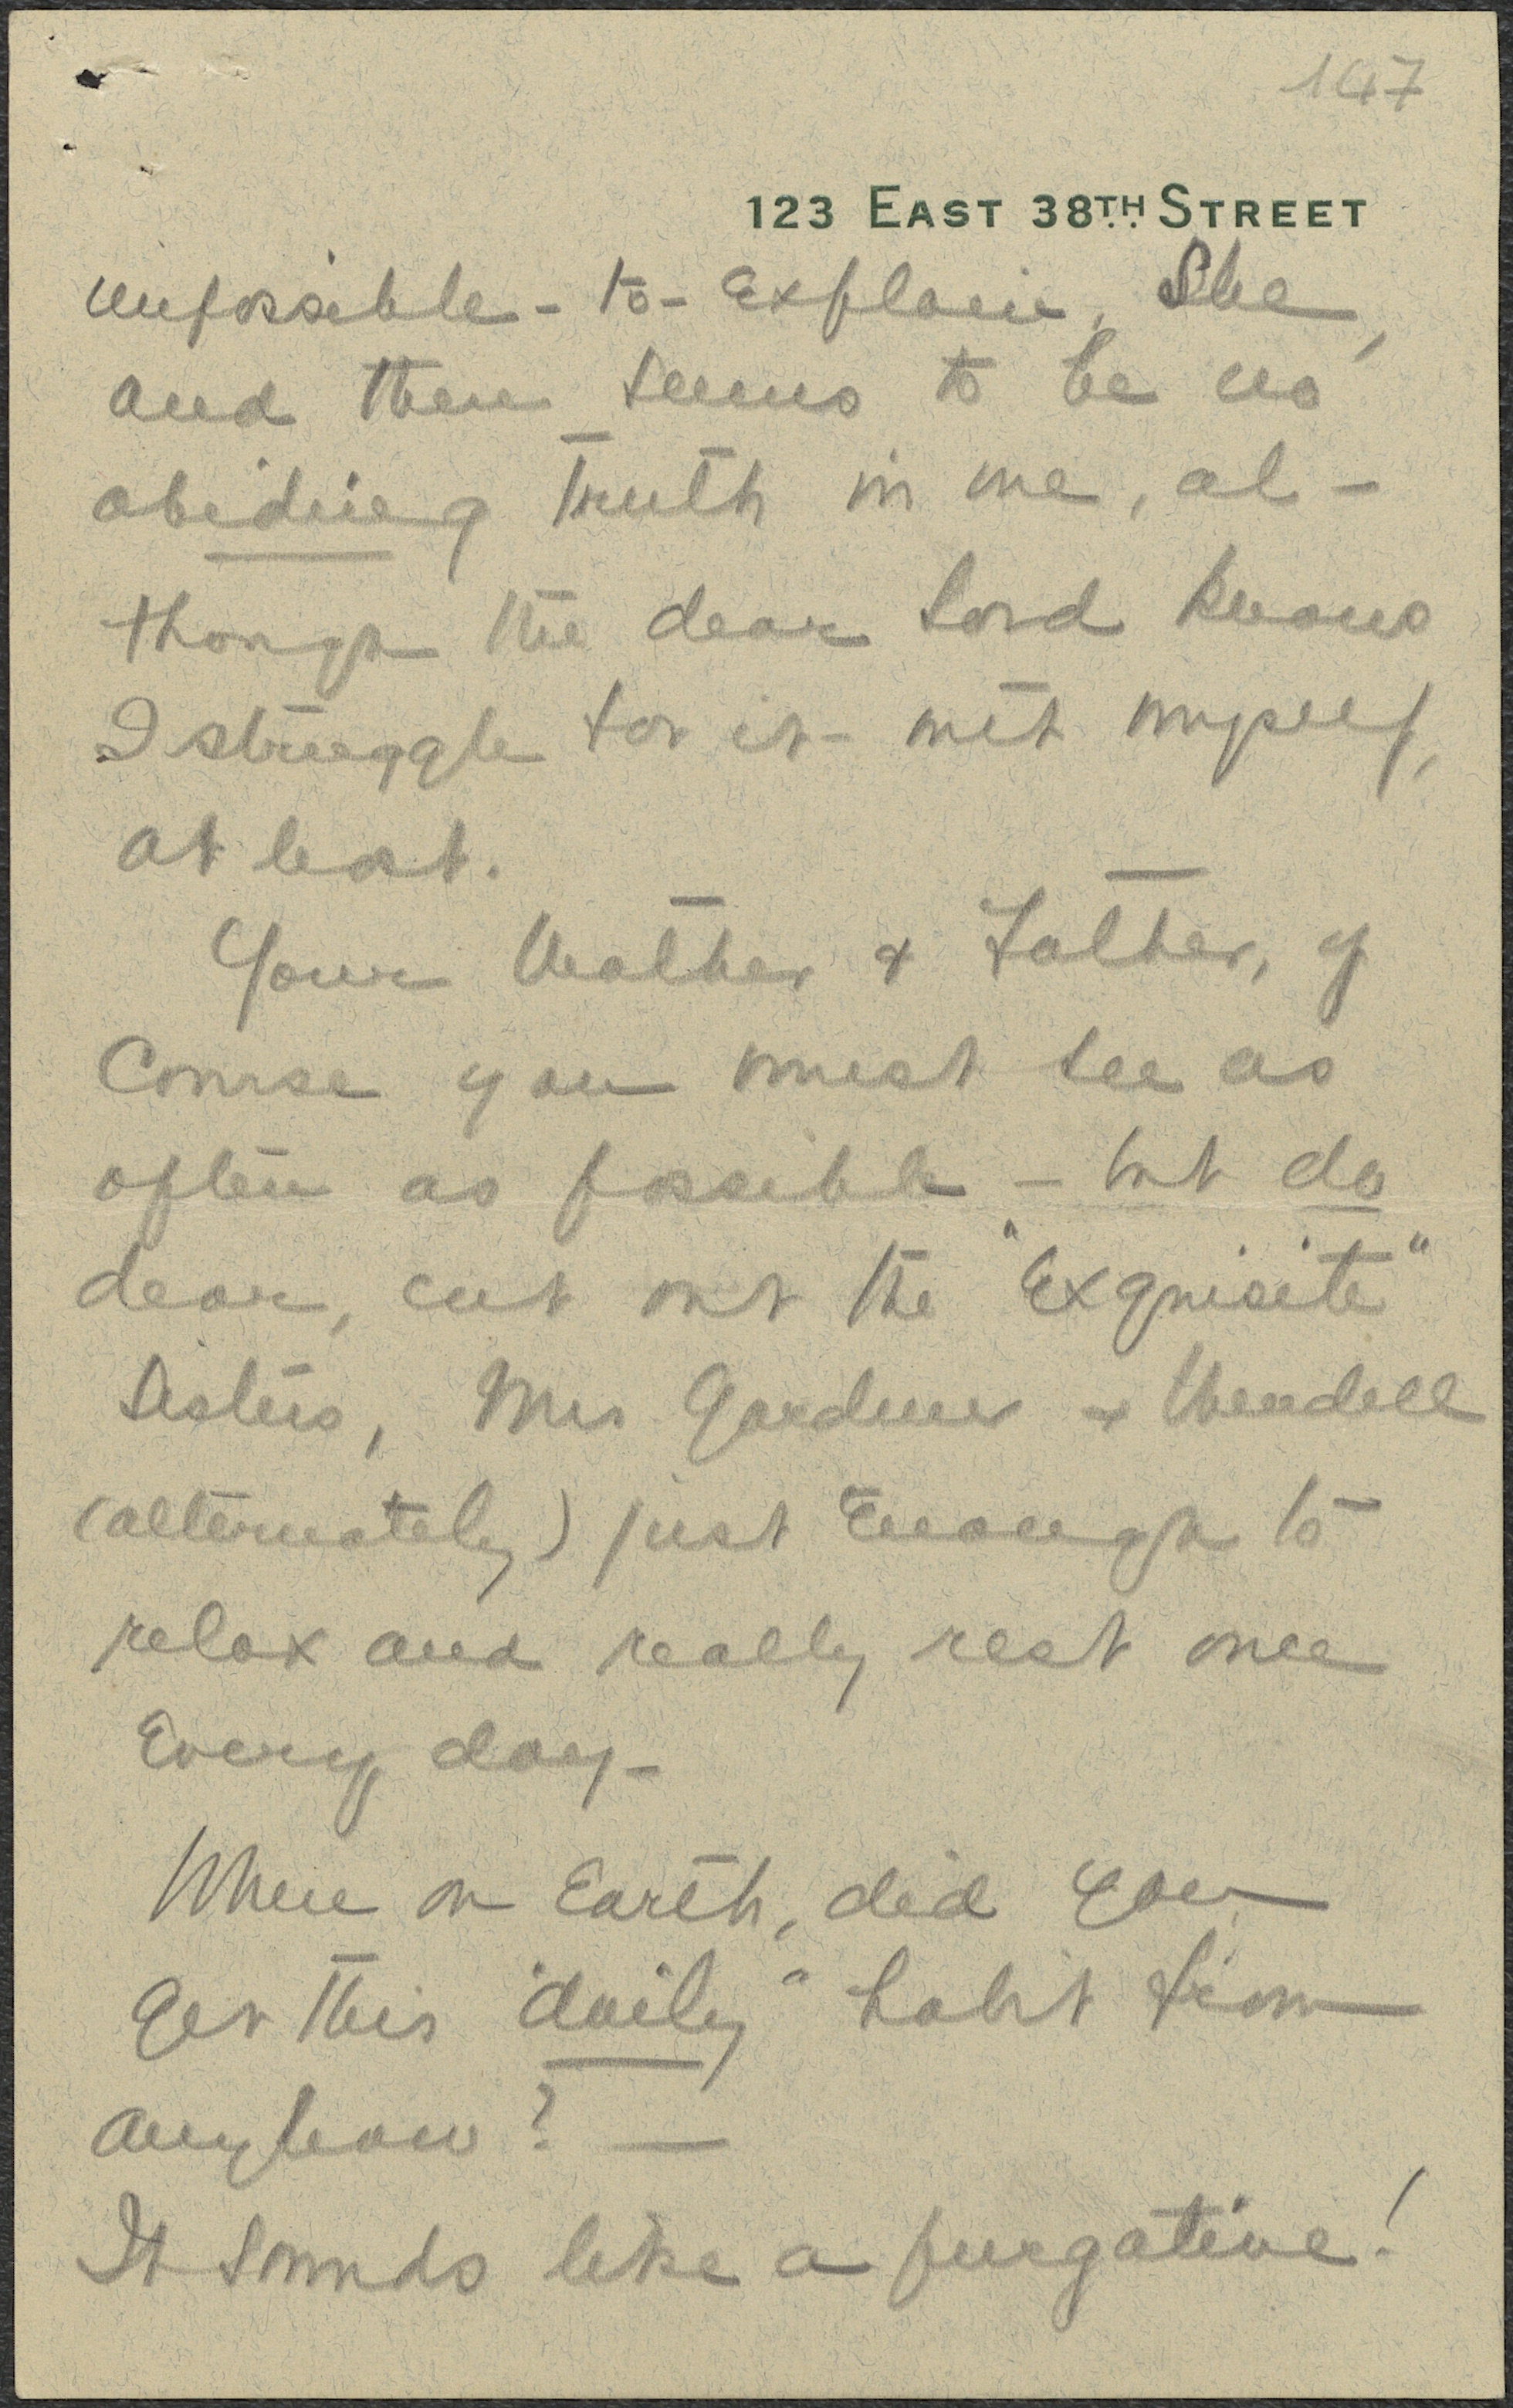impossible-to-explain She and there seems to be no abiding truth in me, although the dear Lord knows I struggle for it – with myself, at least.
Your Mother & Father, of course you must see as often as possible – but do dear, cut out the "Exquisite" Sisters, Mrs Gardner & Wendell (alternately) just enough to relax and really rest once every day –
Where on Earth, did you get this "daily" habit from anyhow? –
It sounds like a purgative!